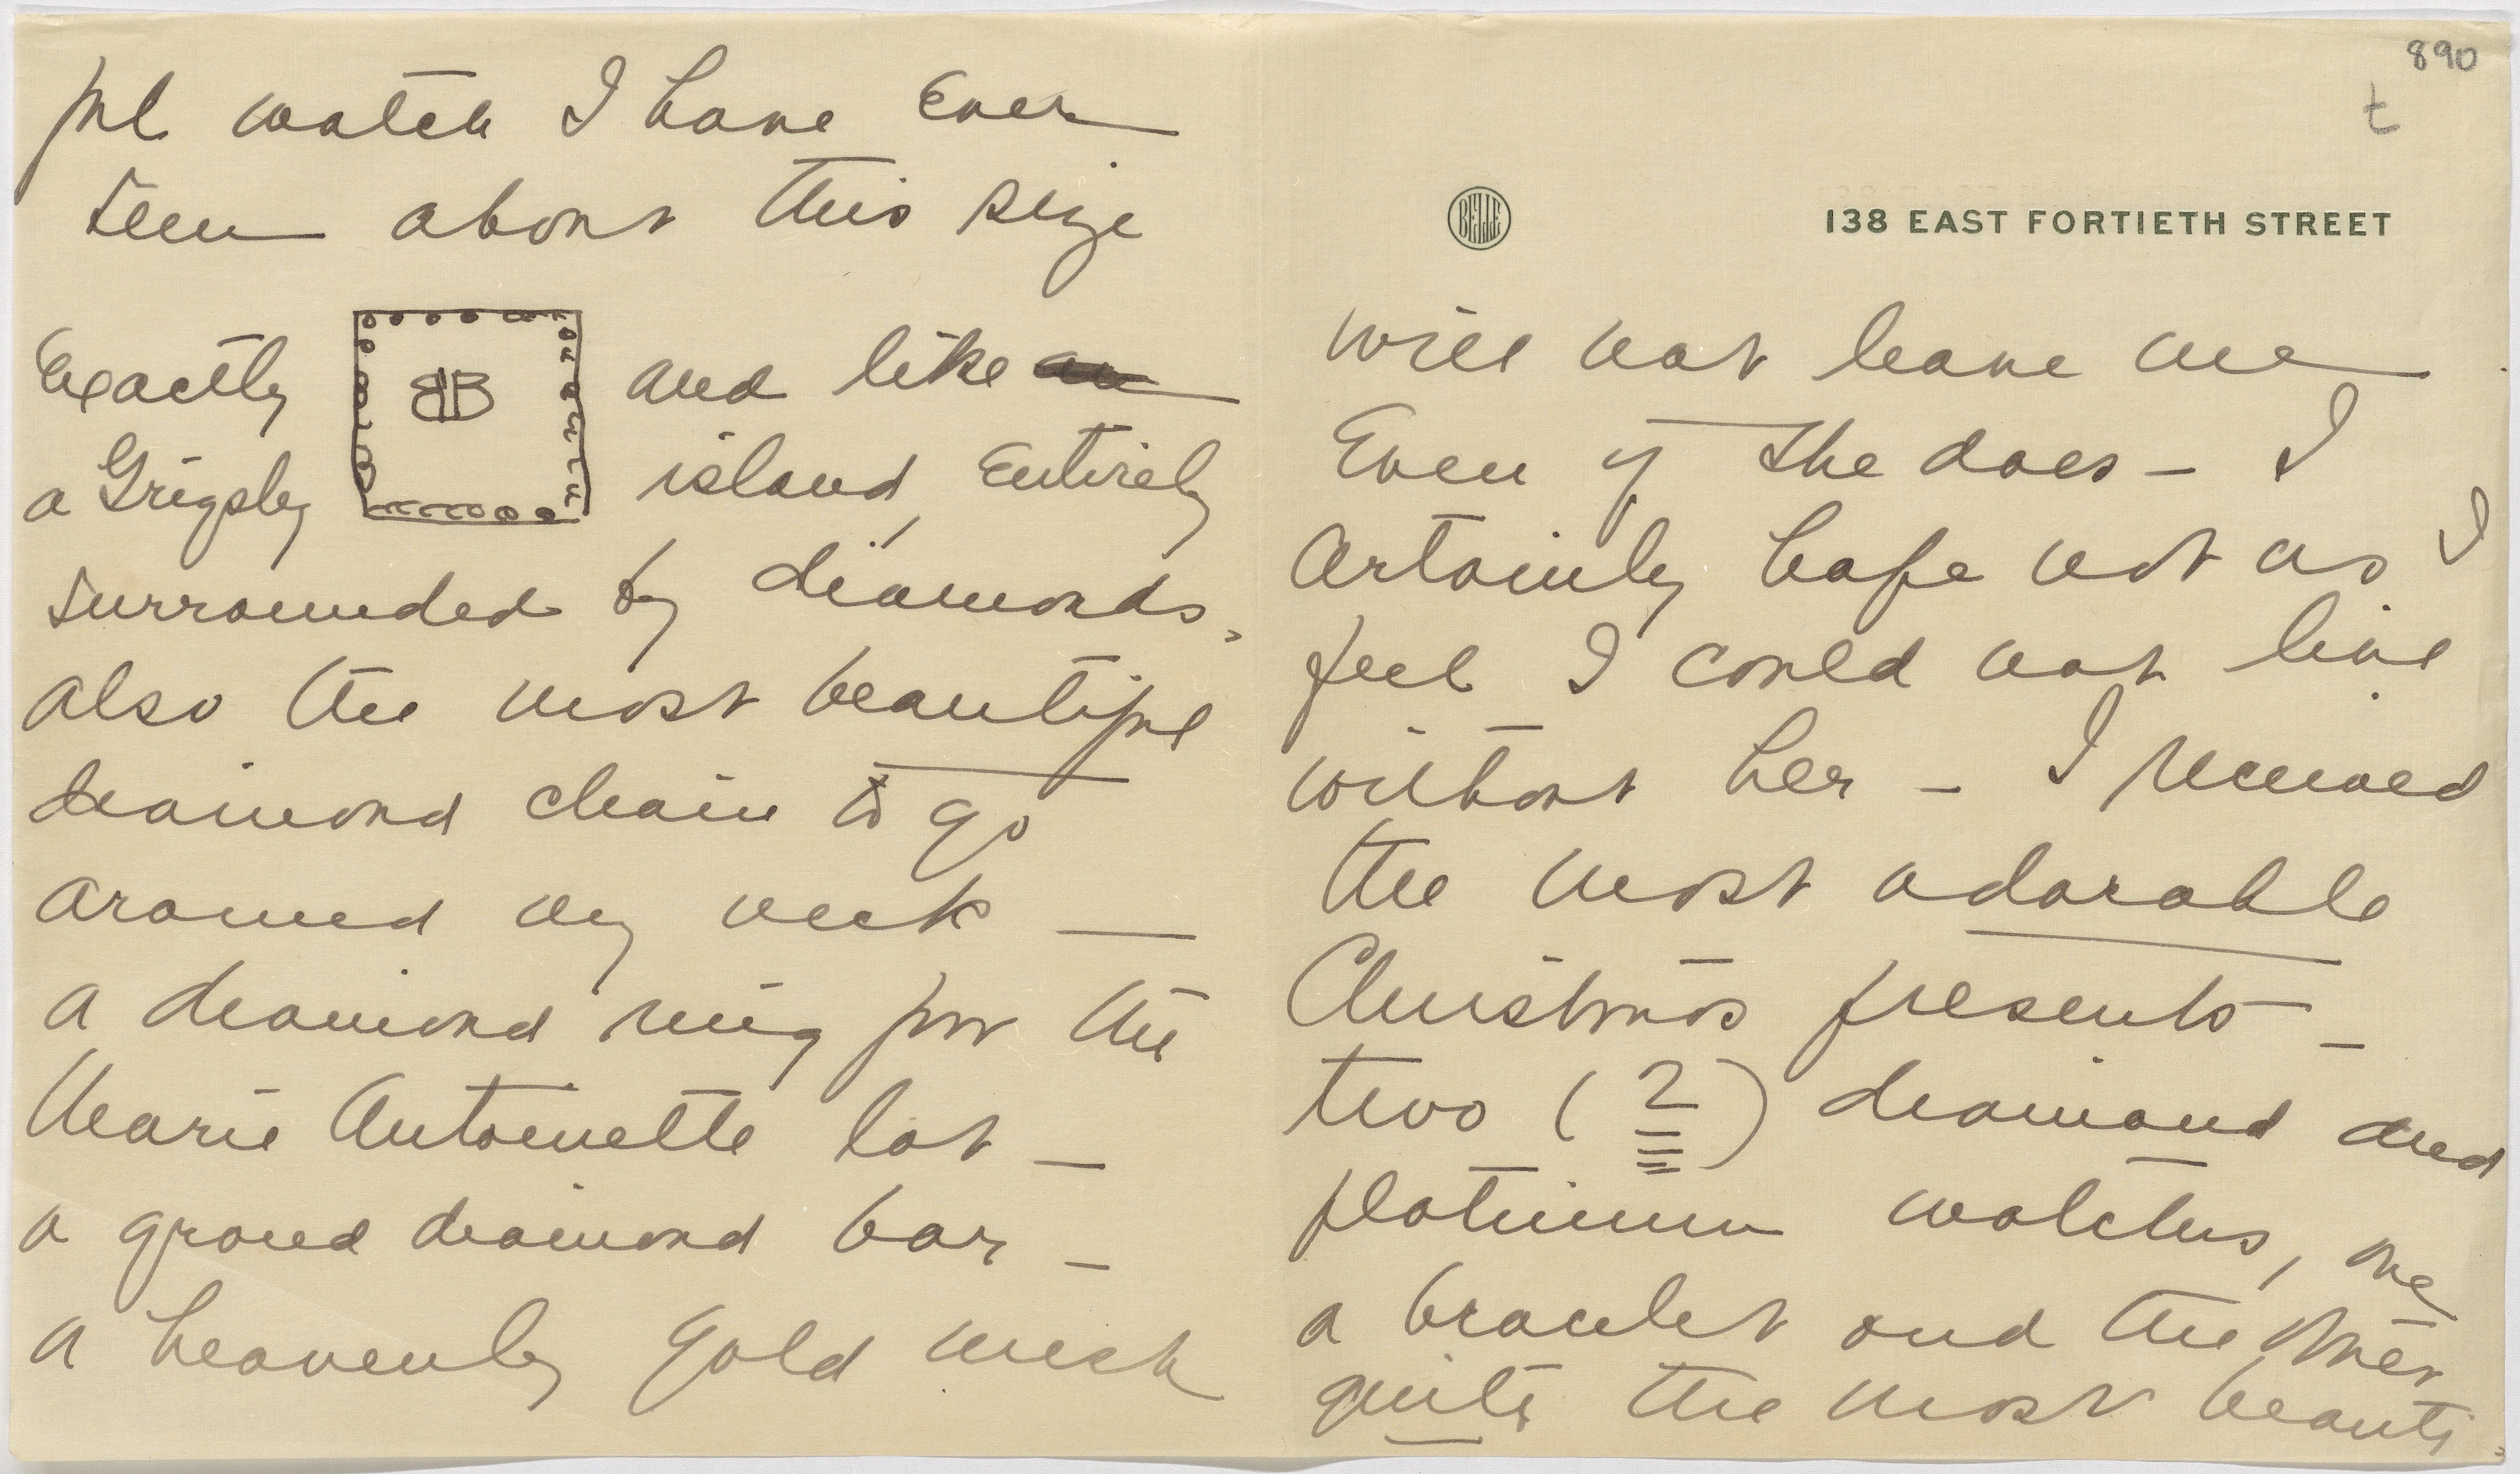will not leave me even if she does – I certainly hope not as I feel I could not live without her – I received the most adorable Christmas presents – two ([quadruple underlined: 2]) diamond and platinum watches, one a bracelet and the other quite the most beautiful
watch I have ever seen about this size exactly [rough sketch of watch face] and like an a Grigsby island, entirely surrounded by diamonds, also the most beautiful diamond chain to go around my neck – a diamond ring for the Marie Antoinette lot – a grand diamond bar – a heavenly gold mesh